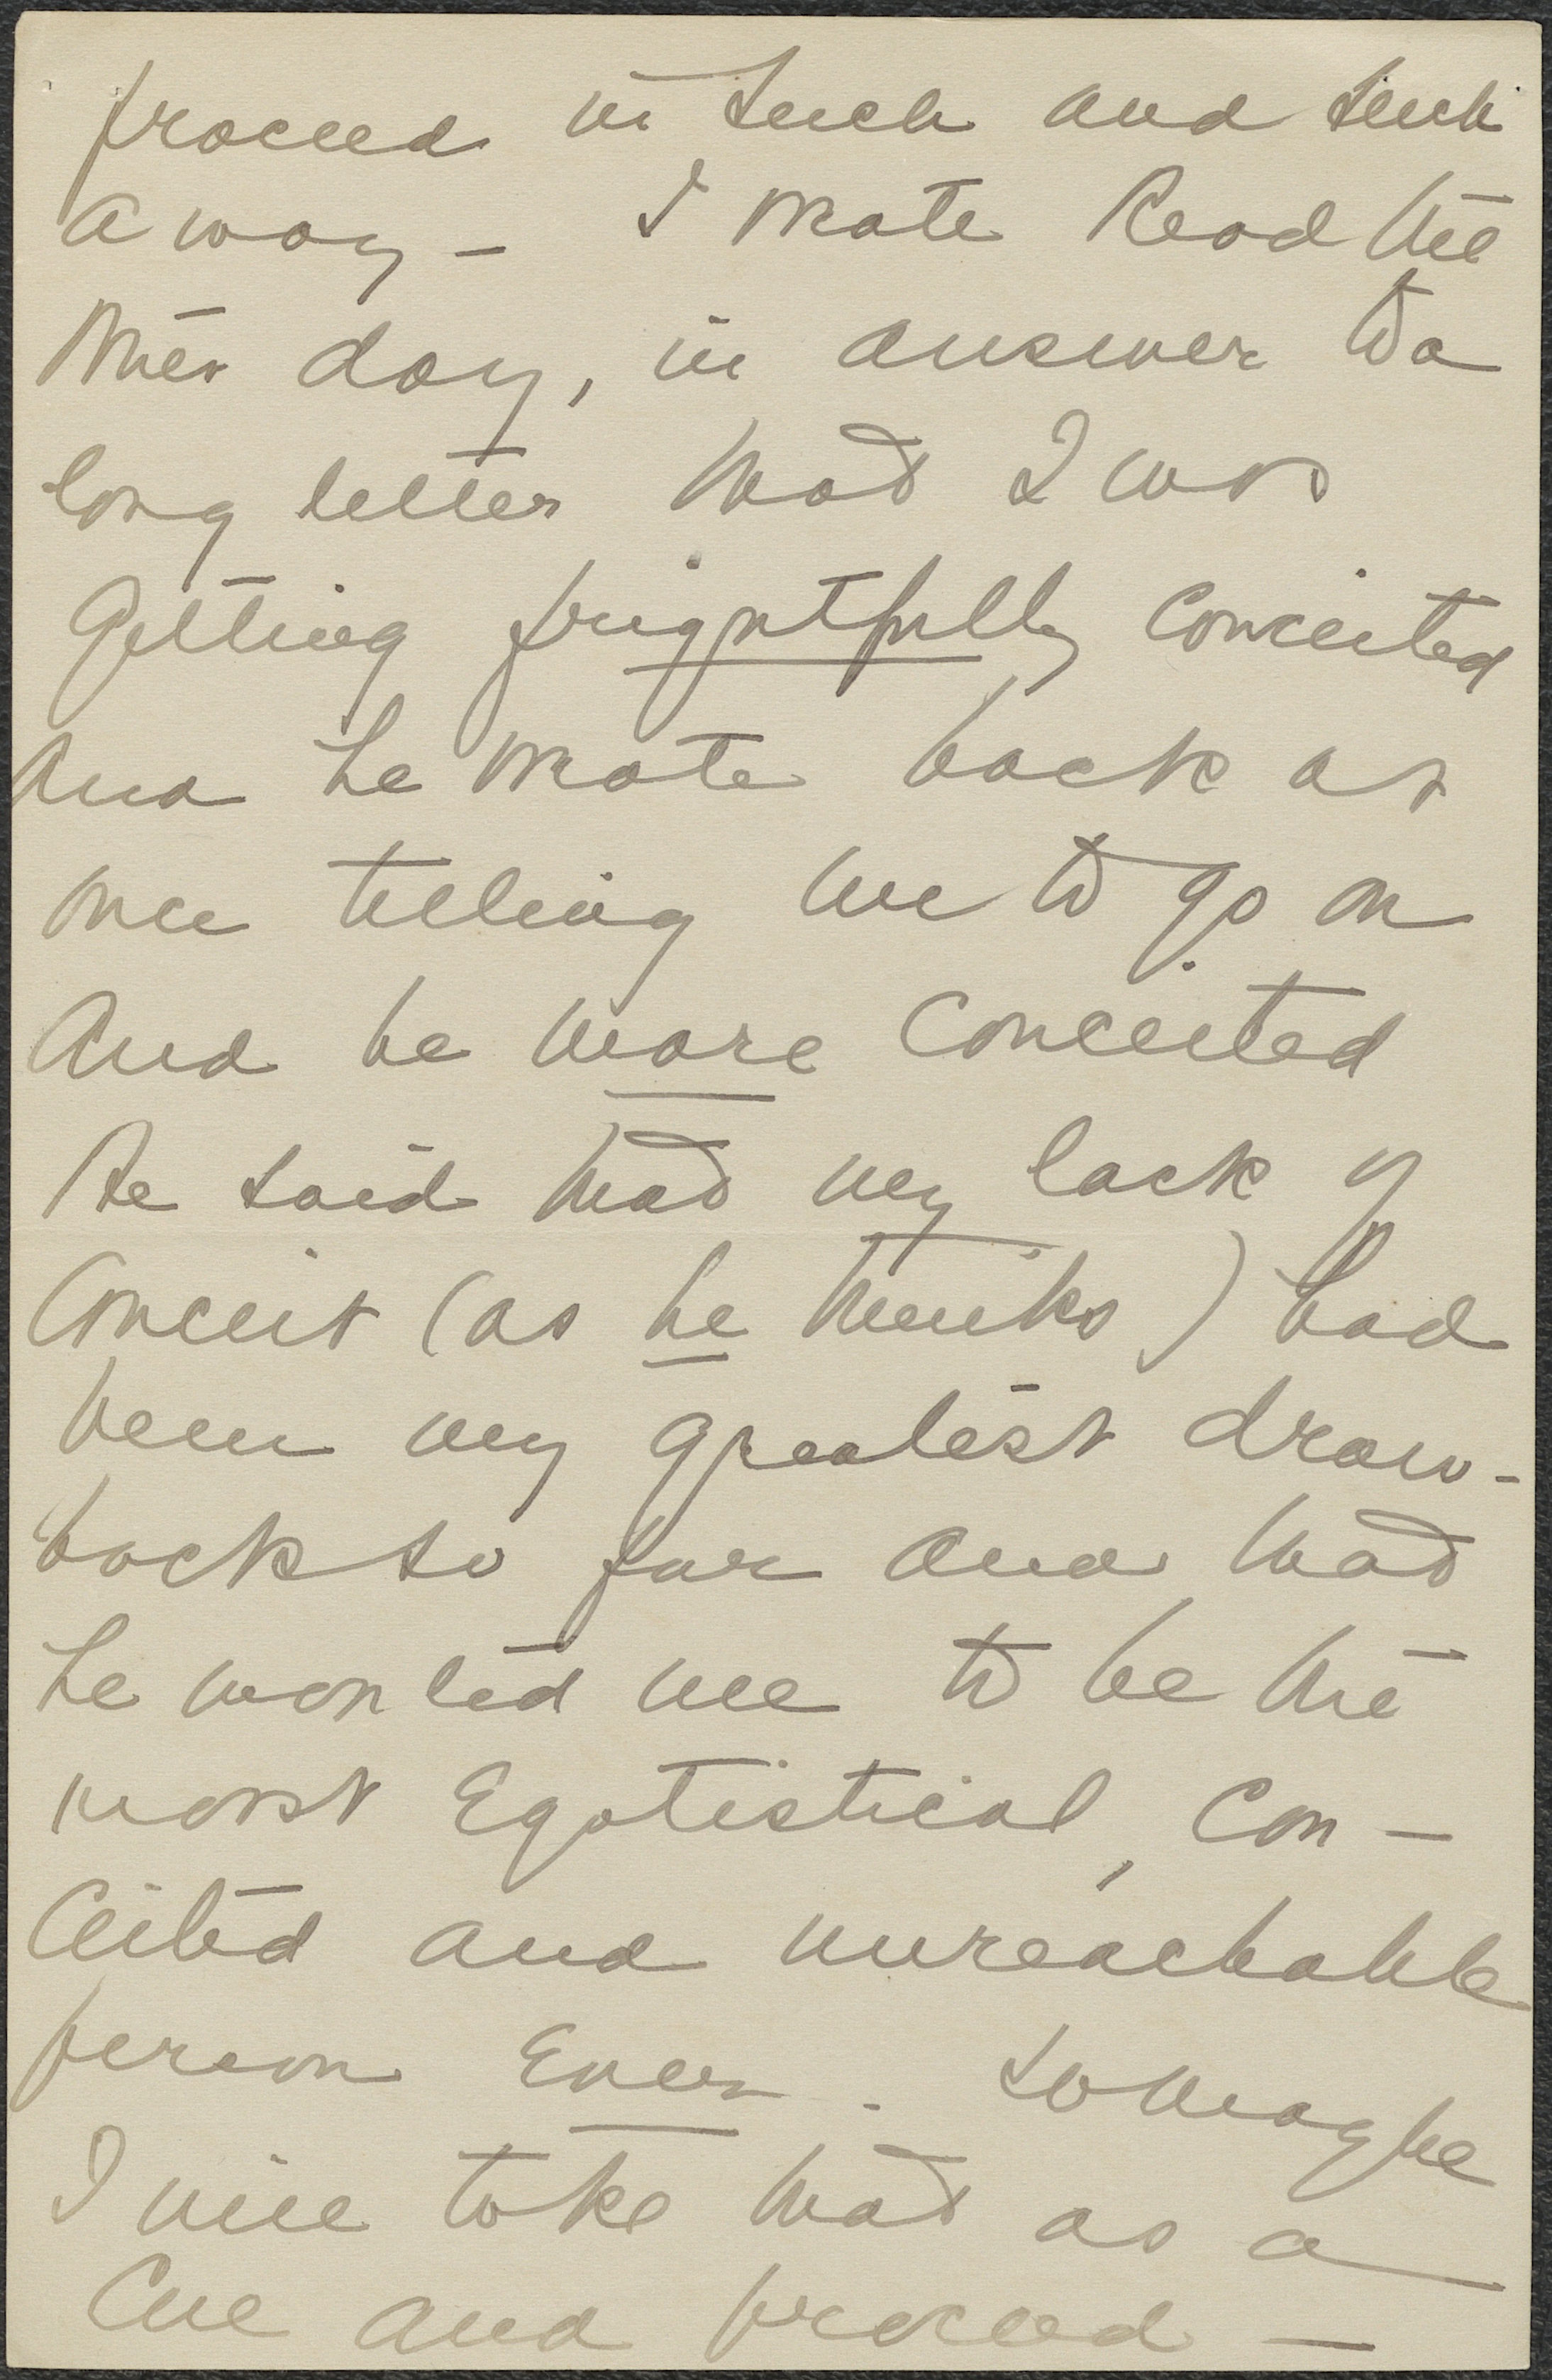proceed in such and such a way – I wrote Read the other day, in answer to a long letter that I was getting frightfully conceited and he wrote back at once telling me to go on and be more conceited He said that my lack of conceit (as he thinks) had been my greatest drawback so far and that he wanted me to be the most egotistical, conceited and unreachable person ever. So maybe I will take that as a cue and proceed –